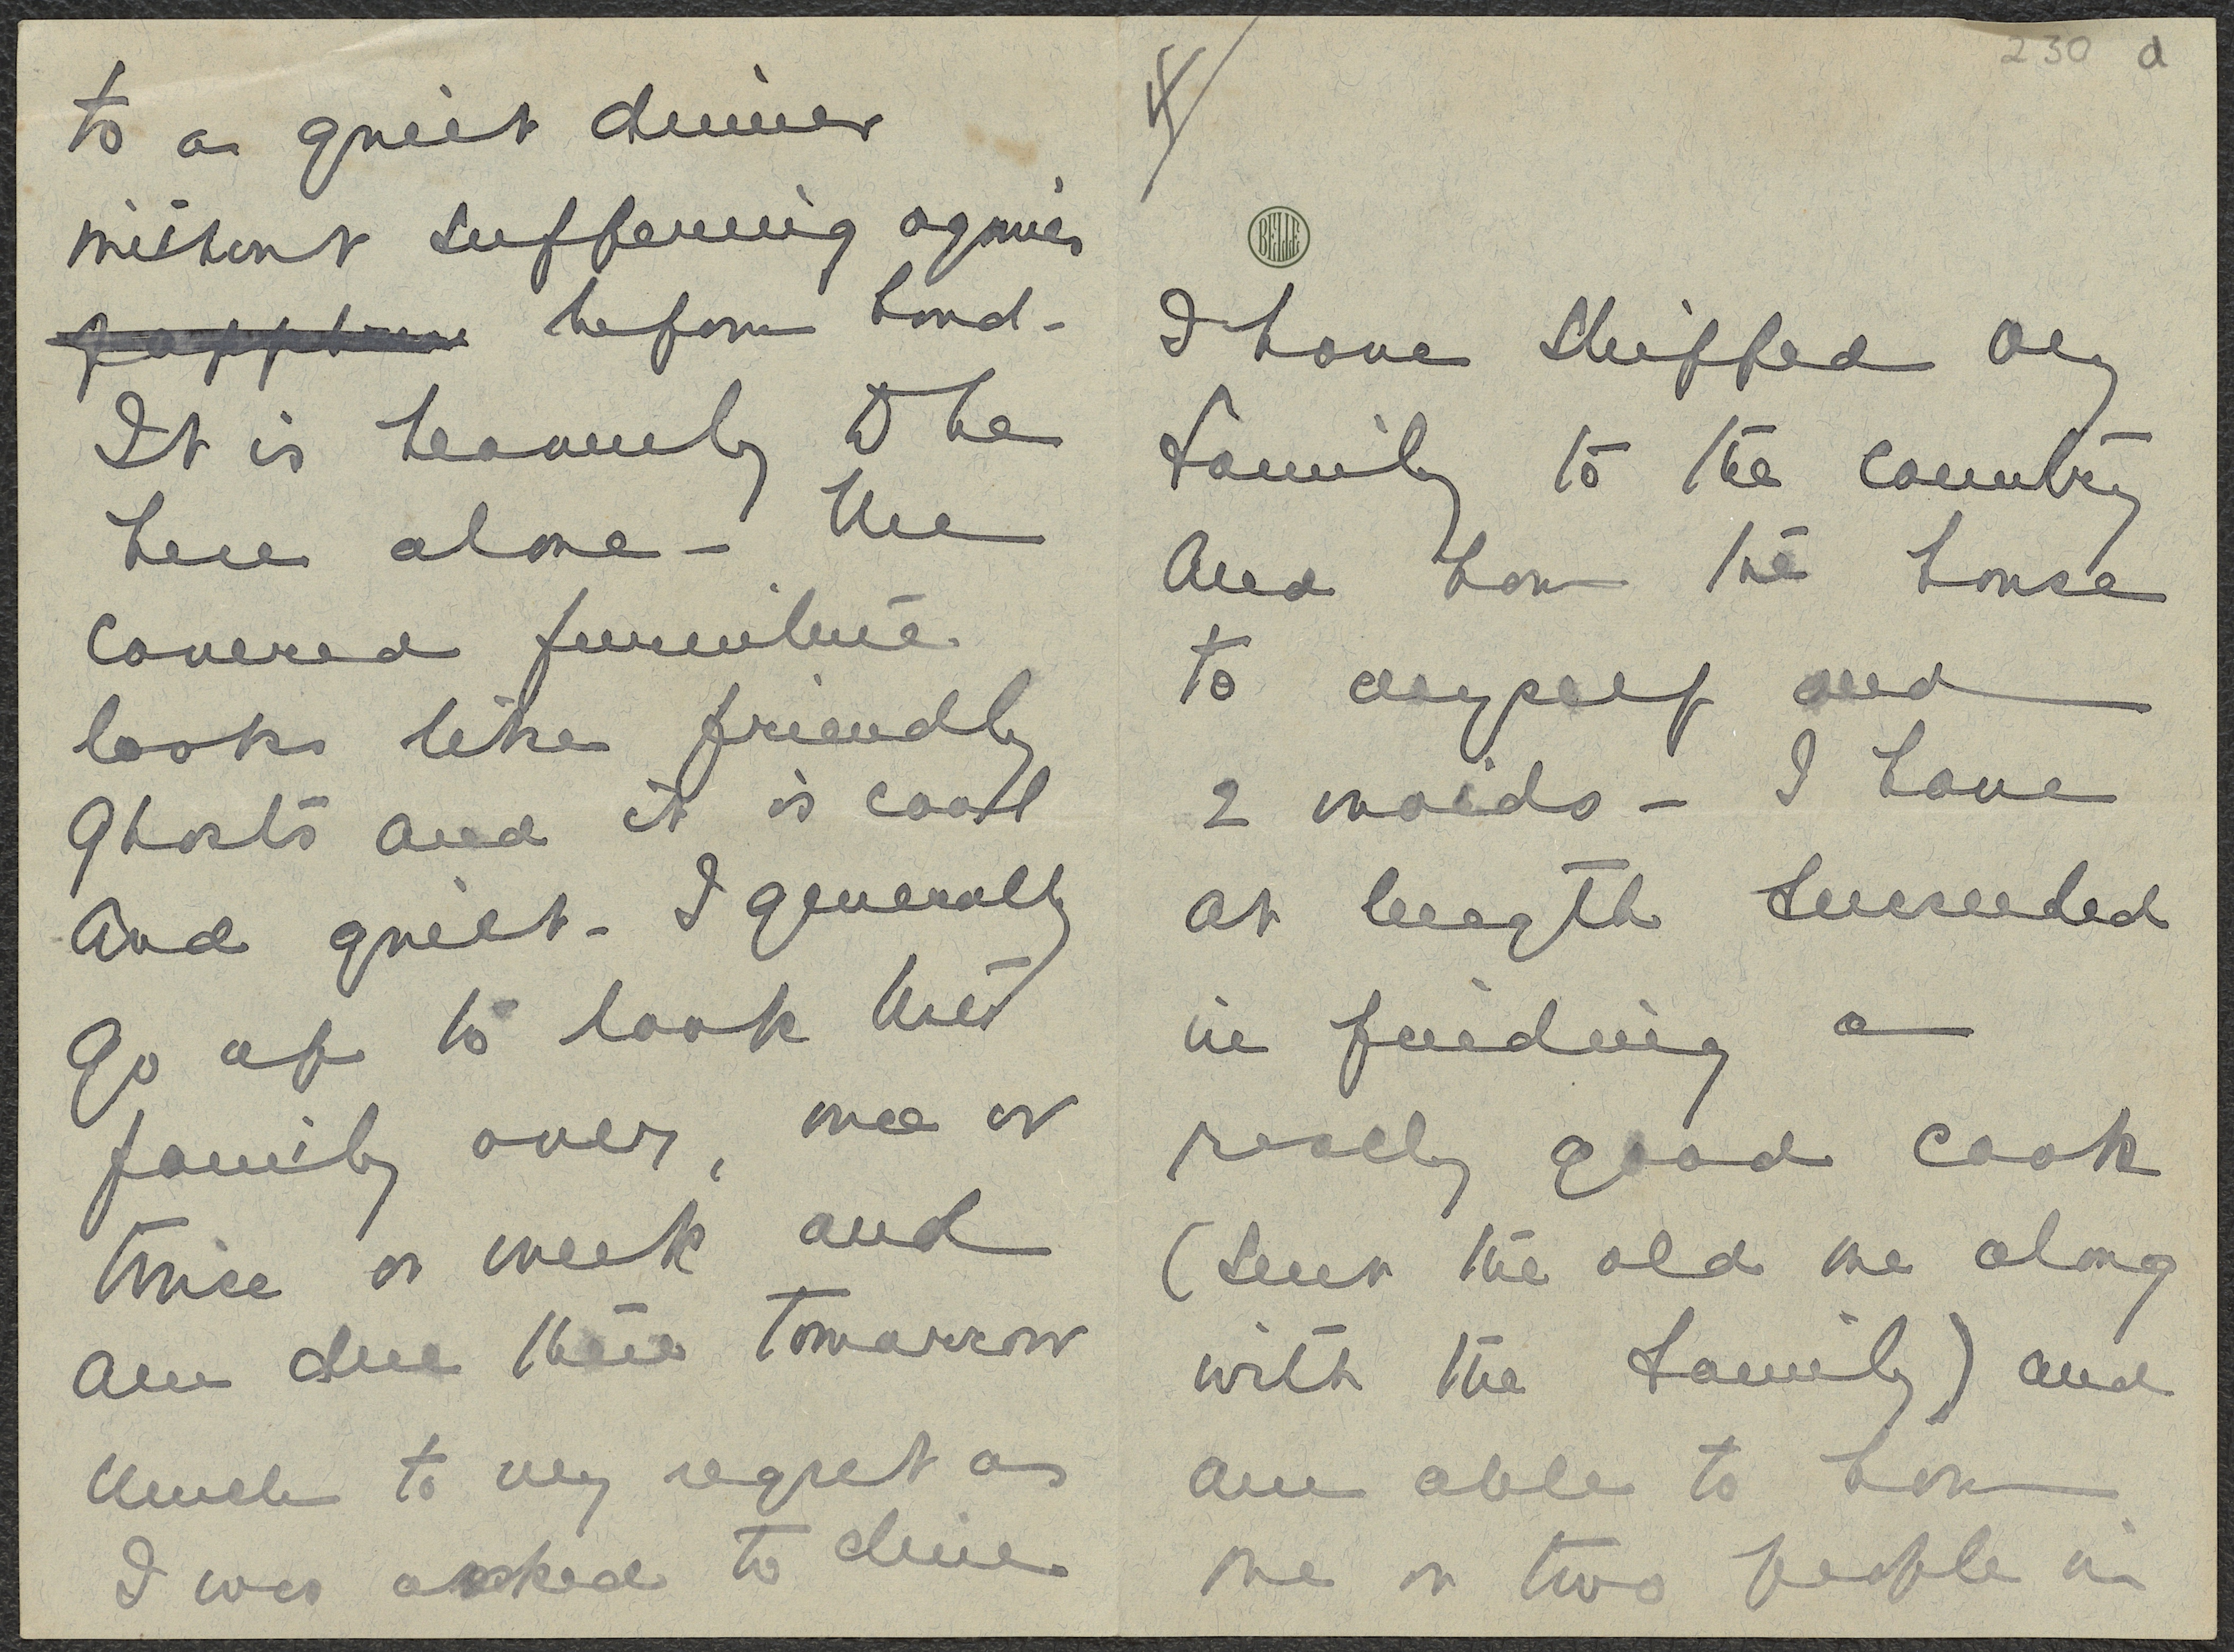I have shipped my family to the country and have the house to myself and 2 maids – I have at length succeeded in finding a really good cook (sent the old one along with the family) and am able to have one or two people in
to a quiet dinner without suffering agonies of [illegible deltion] before hand – It is heavenly to be here alone – The covered furniture looks like friendly ghosts and it is cool and quiet – I generally go up to look the family over, once or twice a week and am due there tomorrow much to my regret as I was asked to dine